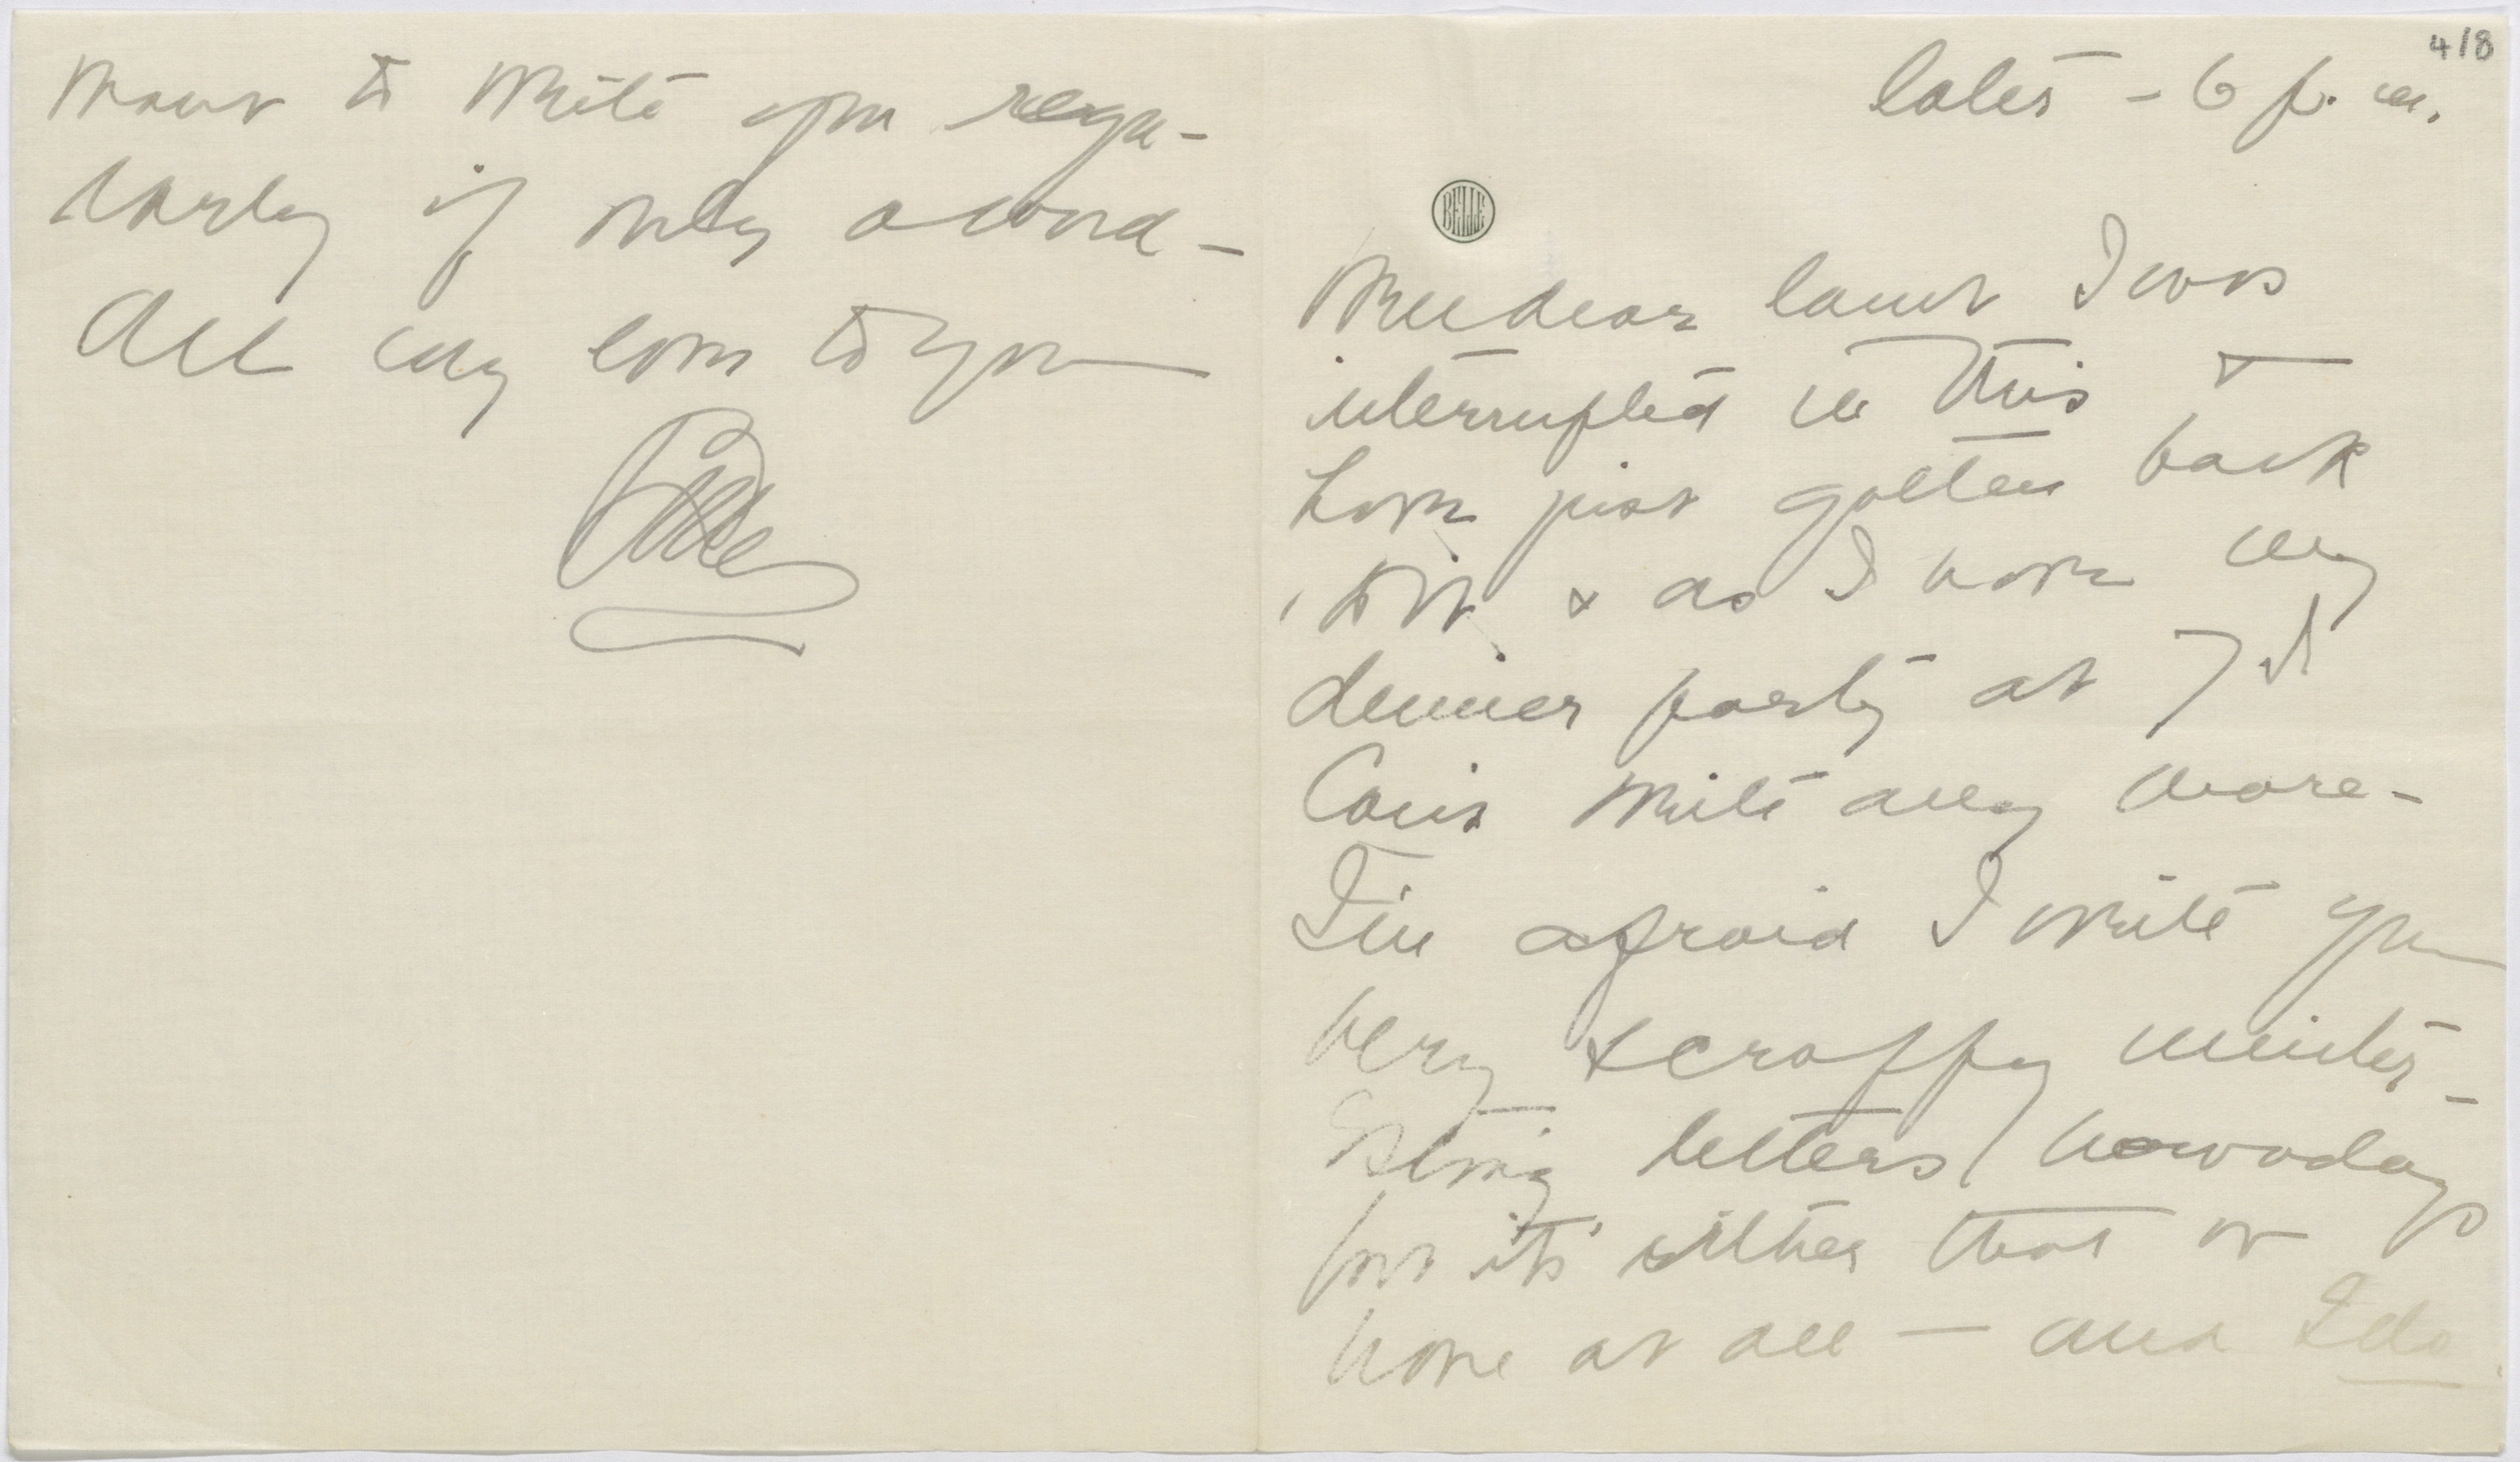Later – 6 p.m.
Well dear lamb I was interrupted in this & have just gotten back to it & as I have my dinner party at 7 I can’t write any more – I’m afraid I write you very scrappy uninteresting letters nowadays but it’s either that or none at all – and I do
want to write you regularly if only a word – All my love to you
Belle